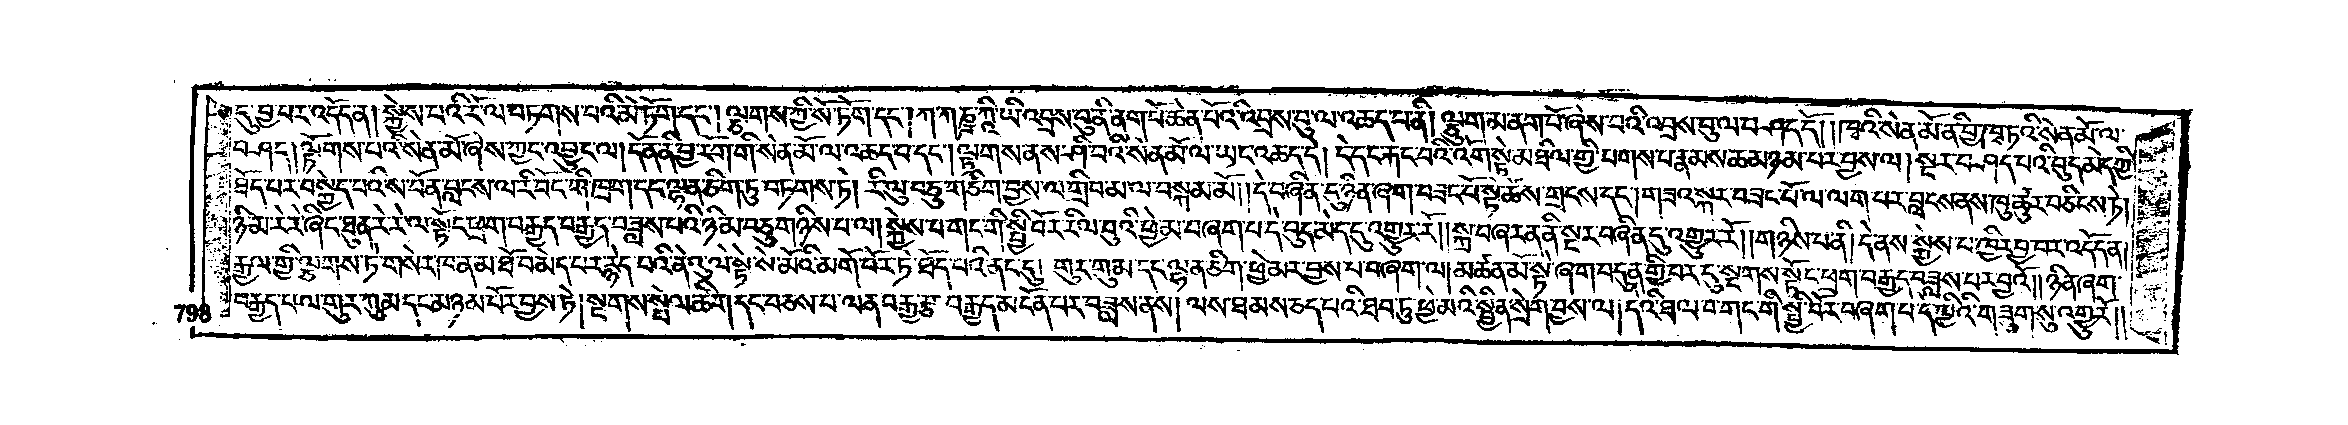དུ་བྱ་བར་འདོད་ན། སྐྱེས་པའི་རོ་ལ་བཏགས་པའི་མེ་ཏོག་དང་། ལྕགས་ཀྱི་སོ་ཏོག་དང་། ཀ་ཀཎྜ་ཀཱི་ཡི་འབྲས་བུ་ནི་ནག་པོ་ཆེན་པོའི་འབྲས་བུ་ལ་འཆད་པ་ནི། ལྕུག་མ་ནག་པོ་ཞེས་པའི་འབྲས་བུ་ལ་བཤད་དོ། །ཁྭའི་སེན་མོ་ནི་བྱ་ཁྭ་ཏའི་སེན་མོ་ལ་
བཤད། ལྟོགས་པའི་སེན་མོ་ཞེས་ཀྱང་འབྱུང་ལ། དོན་ནི་བྱ་རོག་གི་སེན་མོ་ལ་འཆད་པ་དང་། ལྟགས་ནས་ཤི་བའི་སེན་མོ་ལ་ཡང་འཆད་དེ། དེ་དང་རྐང་བའི་འོག་སྟེ་མཐིལ་གྱི་པགས་པ་རྣམས་ཆ་མཉམ་པར་བྱས་ལ། སྔར་བཤད་པའི་བུད་མེད་ཀྱི་
ཐོད་པར་བསྐྱེད་པའི་ས་བོན་བླངས་ལ་རི་བོང་གི་ཁྲག་དང་ལྷན་ཅིག་ཏུ་བཏགས་ཏེ། རི་ལུ་བཅུ་གཅིག་བྱས་ལ་གྲིབ་མ་ལ་བསྐམ་མོ། །དེ་བཞིན་དུ་ཉིན་ཞག་བཟང་པོ་སྟེ་ཚེས་གྲངས་དང་། གཟའ་སྐར་བཟང་པོ་ལ་ལག་པར་བླངས་ནས་ཁུ་ཚུར་བཅིངས་ཏེ།
ཉི་མ་རེ་རེ་ཞིང་ཐུན་རེ་རེ་ལ་སྟོང་ཕྲག་བརྒྱད་བརྒྱད་བཟླས་པའི་ཉི་མ་བཅུ་གཉིས་པ་ལ། སྐྱེས་པ་གང་གི་སྤྱི་བོར་རིལ་བུའི་ཕྱེ་མ་བཞག་པ་དེ་བུད་མེད་དུ་འགྱུར་རོ། །སྒྲ་བཞར་ན་ནི་སྔར་བཞིན་དུ་འགྱུར་རོ། །གཉིས་པ་ནི། དེ་ནས་སྐྱེས་པ་ཁྱིར་བྱ་བར་འདོད་ན།
རྒྱལ་གྱི་ལྕགས་ཏེ་གསེར་ཁ་ན་མ་ཐོ་བ་མེད་པར་རྙེད་པའི་ནེའུ་ལེ་སྟེ་སེ་མོའི་མགོ་བོར་ཏེ་ཐོད་པའི་ནང་དུ། གུར་གུམ་དང་ལྷན་ཅིག་ཕྱེ་མར་བྱས་པ་བཞག་ལ། མཚན་མོ་སྟེ་ཞག་བདུན་གྱི་བར་དུ་སྔགས་སྟོང་ཕྲག་བརྒྱད་བཟླས་པར་བྱའོ། །ཉིན་ཞག་
བརྒྱད་པ་ལ་གུར་ཀུམ་དང་མཉམ་པོར་བྱས་ཏེ། སྔགས་སྤེལ་ཚིག་དང་བཅས་པ་ལན་བརྒྱ་རྩ་བརྒྱད་མངོན་པར་བཟླས་ནས། ལས་ཐམས་ཅད་པའི་ཐབ་ཏུ་ཕྱེ་མའི་སྦྱིན་སྲེག་བྱས་ལ། དེའི་ཐལ་བ་གང་གི་སྤྱི་བོར་བཞག་པ་དེ་ཁྱིའི་གཟུགས་སུ་འགྱུར་རོ། །